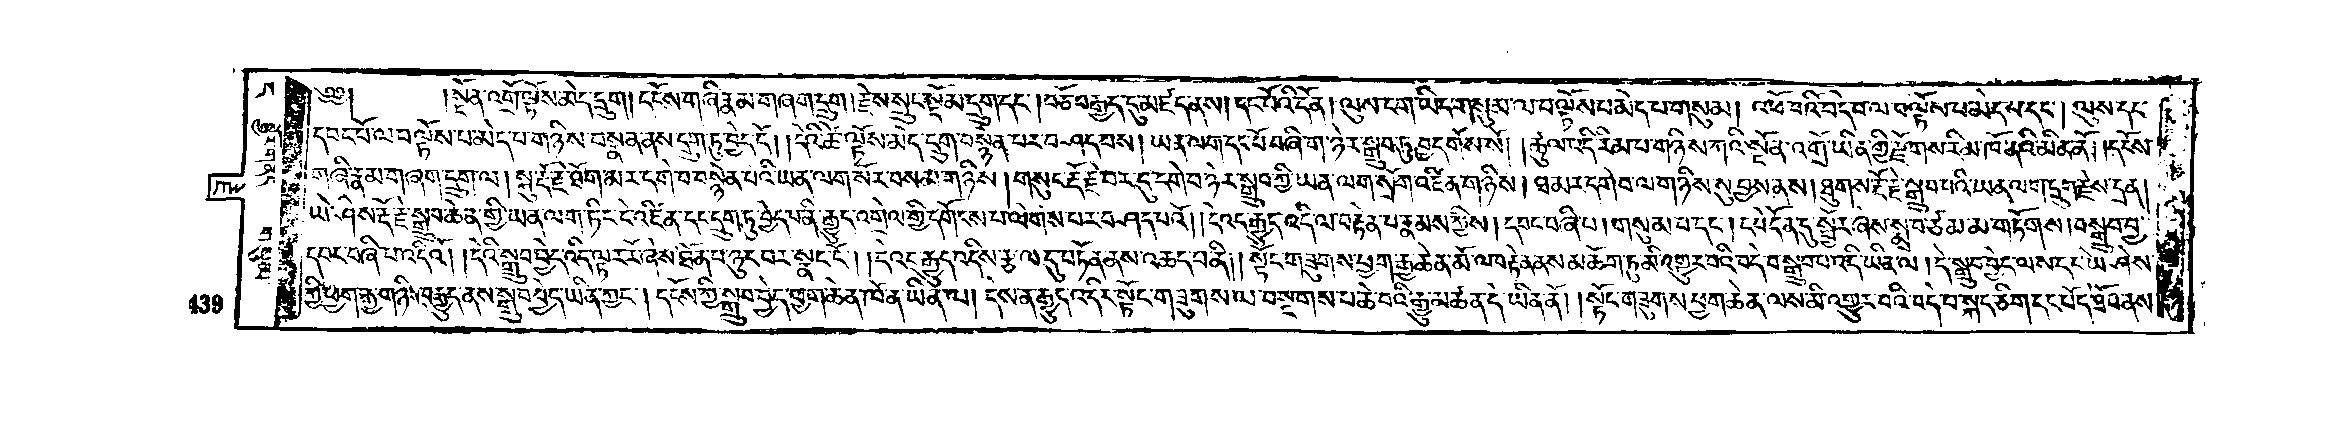༄༅། །སྔོན་འགྲོ་ལྟོས་མེད་དྲུག །དངོས་གཞི་རྣམ་གཞག་དྲུག །རྗེས་སྲུང་སྡོམ་དྲུག་དང་། བཅོ་བརྒྱད་དུ་མཛད་ནས། དང་པོའི་དོན། ལུས་ངག་ཡིད་གསུམ་ལ་བལྟོས་པ་མེད་པ་གསུམ། འཕོ་བའི་བདེ་བ་ལ་བལྟོས་པ་མེད་པ་དང་། ལུས་དང་
དབང་པོ་ལ་བལྟོས་པ་མེད་པ་གཉིས་བསྣན་ནས་དྲུག་ཏུ་བྱེད་དོ། །དེའི་ཚེ་ལྟོས་མེད་དྲུག་བསྙེན་པར་བཤད་པས། ཡན་ལག་དང་པོ་བཞི་ག་ཉེར་སྒྲུབ་ཏུ་བྱ་དགོས་སོ། །ཚུལ་འདི་རིམ་པ་གཉིས་ཀའི་སྔོན་འགྲོ་ཡིན་གྱི་རྫོགས་རིམ་ཁོ་ནའི་མིན་ནོ། །དངོས་
གཞི་རྣམ་གཞག་དྲུག་ལ། སྐུ་རྡོ་རྗེ་ཐོག་མར་དགེ་པ་བསྙེན་པའི་ཡན་ལག་སོར་བསམ་གཉིས། གསུང་རྡོ་རྗེ་བར་དུ་དགེ་བ་ཉེར་སྒྲུབ་ཀྱི་ཡན་ལག་སྲོག་འཛིན་གཉིས། ཐ་མར་དགེ་བ་ལ་གཉིས་སུ་བྱས་ནས། ཐུགས་རྡོ་རྗེ་སྒྲུབ་པའི་ཡན་ལག་དྲུག་རྗེས་དྲན།
ཡེ་ཤེས་རྡོ་རྗེ་སྒྲུབ་ཆེན་གྱི་ཡན་ལག་ཏིང་ངེ་འཛིན་དང་དྲུག་ཏུ་བྱེད་པ་ནི་རྒྱུད་འགྲེལ་གྱི་དགོངས་པ་ལེགས་པར་བཤད་པའོ། །དེའང་རྒྱུད་འདི་ལ་བརྟེན་པ་རྣམས་ཀྱིས། དབང་བཞི་པ། གསུམ་པ་དང་། དཔེ་དོན་དུ་སྦྱོར་ཞེས་སྨྲ་བ་ཙམ་མ་གཏོགས། བསྒྲུབ་བྱ་
དབང་བཞི་པ་འདིའོ། །དེའི་སྒྲུབ་བྱེད་འདི་ལྟར་རོ་ཞེས་ཐོན་པ་ཉུང་བར་སྣང་ངོ། །དེའང་རྒྱུད་འདིས་རྩལ་དུ་བཏོན་ནས་འཆད་པ་ནི། སྟོང་གཟུགས་ཕྱག་རྒྱ་ཆེན་མོ་ལ་བརྟེན་ནས་མཆོག་ཏུ་མི་འགྱུར་བའི་བདེ་བ་སྒྲུབ་པ་འདི་ཡིན་ལ། དེ་སྒྲུབ་བྱེད་ལས་དང་ཡེ་ཤེས་
ཀྱི་ཕྱག་རྒྱ་གཉིས་བརྒྱུད་ནས་སྒྲུབ་བྱེད་ཡིན་ཀྱང་། དངོས་ཀྱི་སྒྲུབ་བྱེད་ཕྱག་ཆེན་ཁོ་ན་ཡིན་ལ། དེས་ན་རྒྱུད་འདིར་སྟོང་གཟུགས་ལ་བསྔགས་པ་ཆེ་བའི་རྒྱུ་མཚན་དེ་ཡིན་ནོ། །སྟོང་གཟུགས་ཕྱག་ཆེན་ལས་མི་འགྱུར་བའི་བདེ་བ་སྐད་ཅིག་དང་པོ་དེ་ཐོབ་ནས་